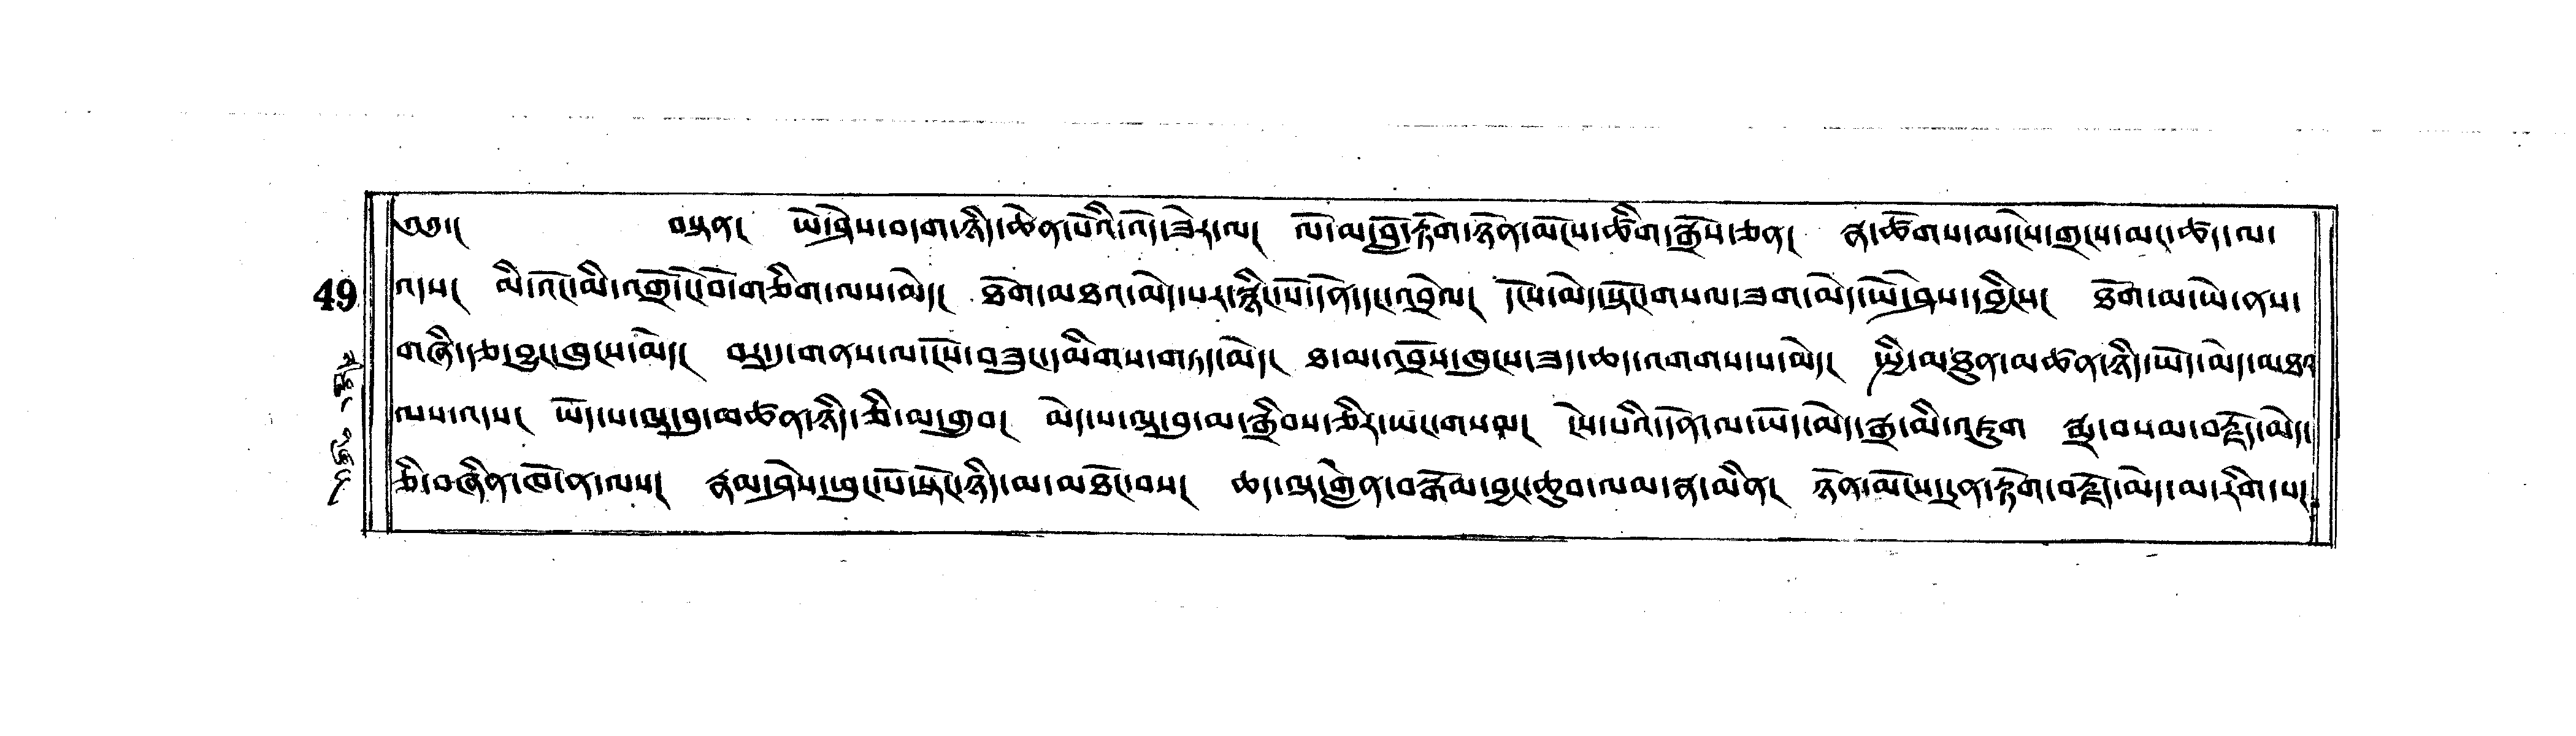བསྟན། ཡེ་ཤེས་བདག་ཉིད་ཆེན་པོའི་འོད་ཟེར་ལ། ལོ་མ་བློ་རྟོག་ཉོན་མོངས་ཚིག་སྒྲོས་ཅན། སྣ་ཚོགས་མ་ངེས་གྲངས་མང་ཚད་ལས་
འདས། མི་འོང་མི་འགྲོ་ངོ་བོ་གཅིག་ལས་མེད། ཐོག་མཐའ་མེད་པར་སྙིང་པོ་དོན་དང་འབྲེལ། དངོས་མེད་སྟོང་གསལ་ཟག་མེད་ཡེ་ཤེས་དབྱིངས། ཐོག་མ་ཡེ་ནས་
གཞི་རྩ་བྱུང་ཁུངས་མེད། བར་དུ་གནས་ལ་ངོས་བཟུང་དམིགས་གཏད་མེད། ཐ་མ་འབྲོས་ཁུངས་ཟད་ཆད་འགག་པ་མེད། སྤྱི་མཐུན་མཚན་ཉིད་ཡོད་མེད་མཐའ་
ལས་འདས། ཡོད་པ་ལྟ་བུ་མཚན་ཉིད་ཅི་མ་གྲུབ། མེད་པ་ལྟ་བུ་མ་བསྒྲིབས་ཅིར་ཡང་གསལ། ངེས་པའི་དོན་ལ་ཡོད་མེད་སྒྲ་མི་འཇུག སྨྲ་བསམ་བརྗོད་མེད་
ཅི་བཞིན་ཁོ་ན་ལས། རྣམ་ཤེས་ཕུང་པོ་སྟོང་ཉིད་མ་མཐོང་བས། ཆད་ལྟ་གླེན་སྒོམ་བྱང་ཆུབ་ལམ་ན་མིན། ཉོན་མོངས་དྲན་རྟོག་བརྗོད་མེད་མ་རིག་པ།